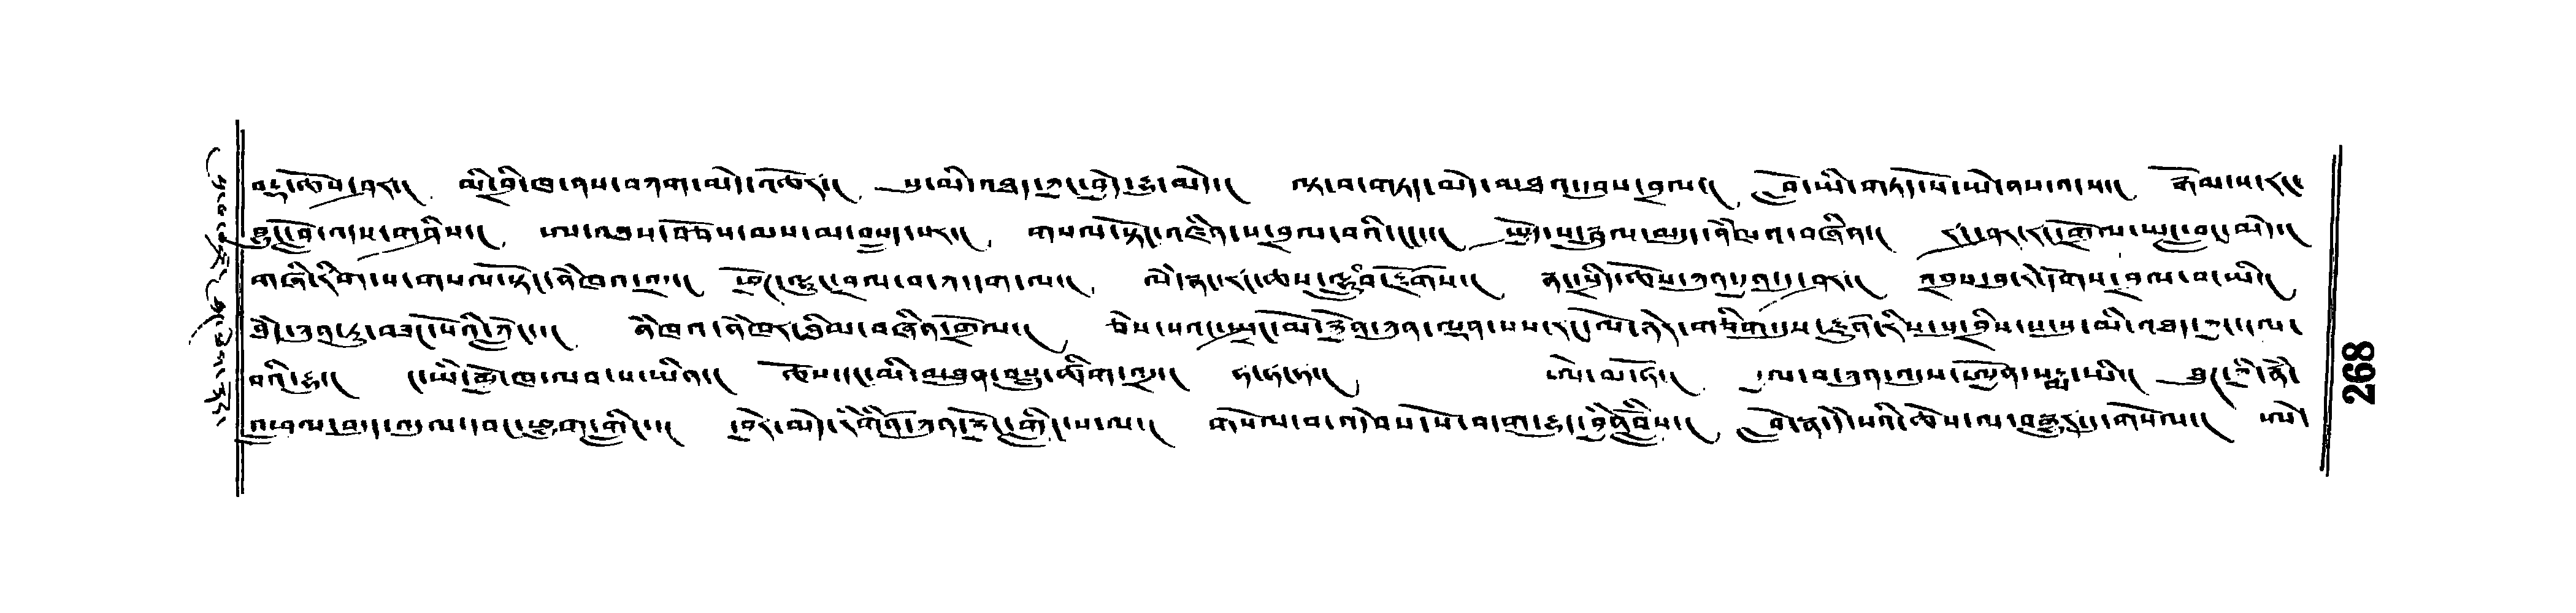བརྡ་ཆོས་ཤར། །མི་བྲི་ཁ་ནས་བཀག་མེད་འཆོར། །སུ་མི་འཐད་ཀྱང་བྱེད་རྒྱུ་མེད། །ལྟ་བ་གཏད་མེད་མཐའ་དབུས་བྲལ། །བློ་ཡི་གཏད་སོ་ཡེ་ནས་འདས། །སྒོམ་པ་རང་
བྱུང་བློ་འདས་གཤིས། །ཨ་འཐས་བཅོས་མས་མ་བསླད་པར། །གསལ་སྟོང་འཛིན་པ་བྲལ་བའི་ངང་། །སྤྱོད་པ་སྦྲུལ་མདུད་ནམ་མཁའ་བཞིན། །རང་ཤར་རང་གྲོལ་སྤང་བླང་མེད། །
གཞི་རིག་པ་གསལ་སྟོང་ནམ་མཁའ་འདྲ། །ཕྱོགས་ལྷུང་བྲལ་བ་ཀ་དག་ལ། །ལམ་སྣང་རང་ཆས་ལྷུན་གྲུབ་རྫོགས། །སྣང་སྲིད་ཆོས་ཀུན་རྒྱན་དུ་ཤར། །འབྲས་བུ་རེ་དོགས་བྲལ་བ་ཡི། །
ཐམས་ཅད་ཀུན་ཏུ་བཟང་པོའི་ཀློང་། །ནམ་མཁའ་ནམ་མཁར་ཐིམ་བཞིན་གྲོལ། ཅེས་པའང་སྤྲང་མོ་སྐྱོན་ཀུན་ལྡན་པས་རང་ལོ་ཉེར་གཅིག་དུས་རྫུན་རིས་སུ་བྲིས་པ་སུ་མི་འཐད་ཀྱང་ངལ་
བའི་རྒྱུ། ང་ཡི་སྨྱོ་ཁ་ལབ་པ་ཡིན། །ཆོས་དང་མི་མཐུན་བསླུ་ཚིག་འདྲ། ཧ་ཧ་ཧ།། ཨེ་མ་ཧོ། རྒྱལ་བ་ཀུན་འདུས་ཨོ་རྒྱན་པདྨ་ཡི། །ཐུགས་ཀྱི་རྣམ་
འཕྲུལ་བདུད་འདུལ་དབང་ཕྱུག་གླིང་། །དབྱེར་མེད་རིག་འཛིན་ཀུན་སྐྱོང་གླིང་པ་ལ། །གསོལ་བ་འདེབས་སོ་བདག་རྒྱུད་བྱིན་གྱིས་རློབས། །བློ་སྣ་དམ་པའི་ཆོས་ལ་བསྒྱུར་དུ་གསོལ། །ཨེ་